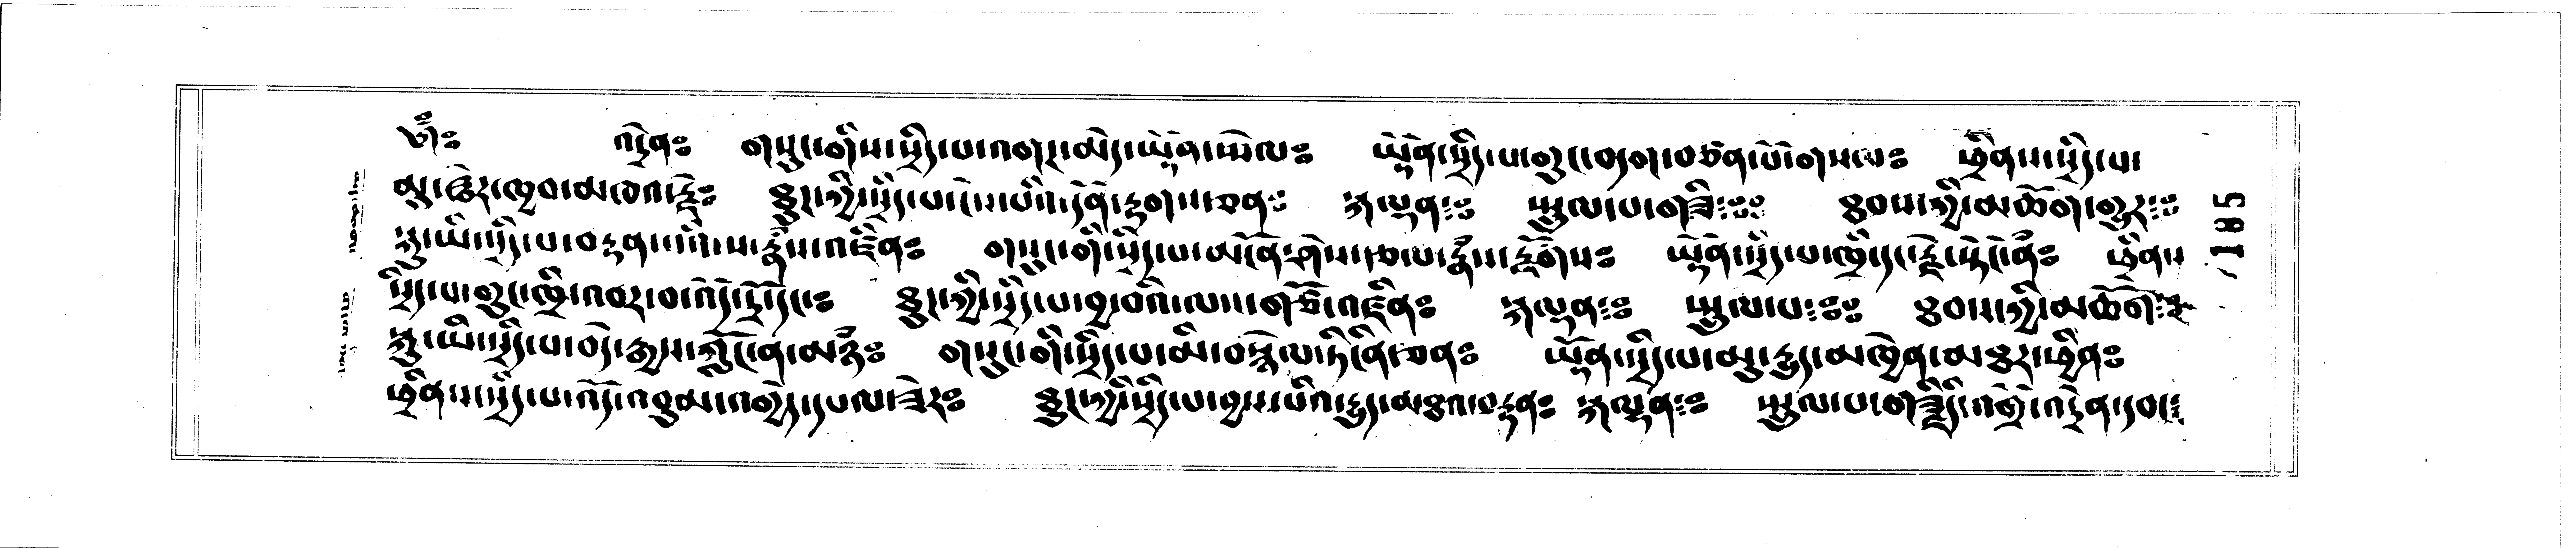འདྲེནཿ གསུང་གི་སྲིད་པ་འགག་མེད་ཡོན་ཏན་སྤེལཿ ཡོན་ཏན་སྲིད་པ་གུང་བདག་བཙན་འབུམ་གསལཿ ཕྲིན་ལས་སྲིད་པ་
མུ་ཝེར་ཁྱབ་མཁའ་རྗེཿ ཐུགས་ཀྱི་སྲིད་པ་ངེས་པའི་དོན་རྟགས་ཅནཿ སྐལ་ལྡན་སློབ་མ་རྣམས་ལ་དབང་བསྐུར་བསཿ སྤྲུལ་པ་གཟི་བརྗིད་འགྲོ་འདྲེན་དབང་ཐོབ་ཤོགཿ ཐབས་ཀྱི་མཆོག་གྱུར་སྤྲུལ་པ་ལས་སྲིད་པའིཿ 
སྐུ་ཡི་སྲིད་པ་བརྟན་པའི་ས་རྣམས་འཛིནཿ གསུང་གི་སྲིད་པ་མངོན་ཤེས་ཀྱི་རྩལ་རྣམས་རྫོགསཿ ཡོན་ཏན་གྱི་སྲིད་པ་ཁྲི་དང་རྗེ་སྟོན་ནམཿ ཕྲིན་ལས་ཀྱི་
སྲིད་པ་གུང་ཁྲི་འབར་བ་འོད་དྲོཿ ཐུགས་ཀྱི་སྲིད་པ་བྱ་བའི་ལས་གཙོ་འཛིནཿ སྐལ་ལྡན་སློབ་མ་རྣམས་ལ་དབང་བསྐུར་བསཿ སྤྲུལ་པ་གཟི་བརྗིད་འགྲོ་འདྲེན་དབང་ཐོབ་ཤོགཿ ཐབས་ཀྱི་མཆོག་གྱུར་སྤྲུལ་པ་ལས་སྲིད་པའིཿ 
སྐུ་ཡི་སྲིད་པ་བདེ་རྒྱས་ཀློང་ན་མཉམཿ གསུང་གི་སྲིད་པ་མི་བསྙེལ་བའི་ཏིང་འཛིན་ཅནཿ ཡོན་ཏན་སྲིད་པ་མུ་རྒྱུད་མཁྱེན་མཐར་ཕྱིནཿ 
ཕྲིན་ལས་ཀྱི་སྲིད་པ་འོད་འབུམ་འགྱེད་དཔལ་ཟེརཿ ཐུགས་ཀྱི་སྲིད་པ་བྱམས་པའི་རྒྱུད་མཐའ་བརྟནཿ སྐལ་ལྡན་སློབ་མ་རྣམས་ལ་དབང་བསྐུར་བསཿ སྤྲུལ་པ་གཟི་བརྗིད་འགྲོ་འདྲེན་དབང་ཐོབ་ཤོགཿ